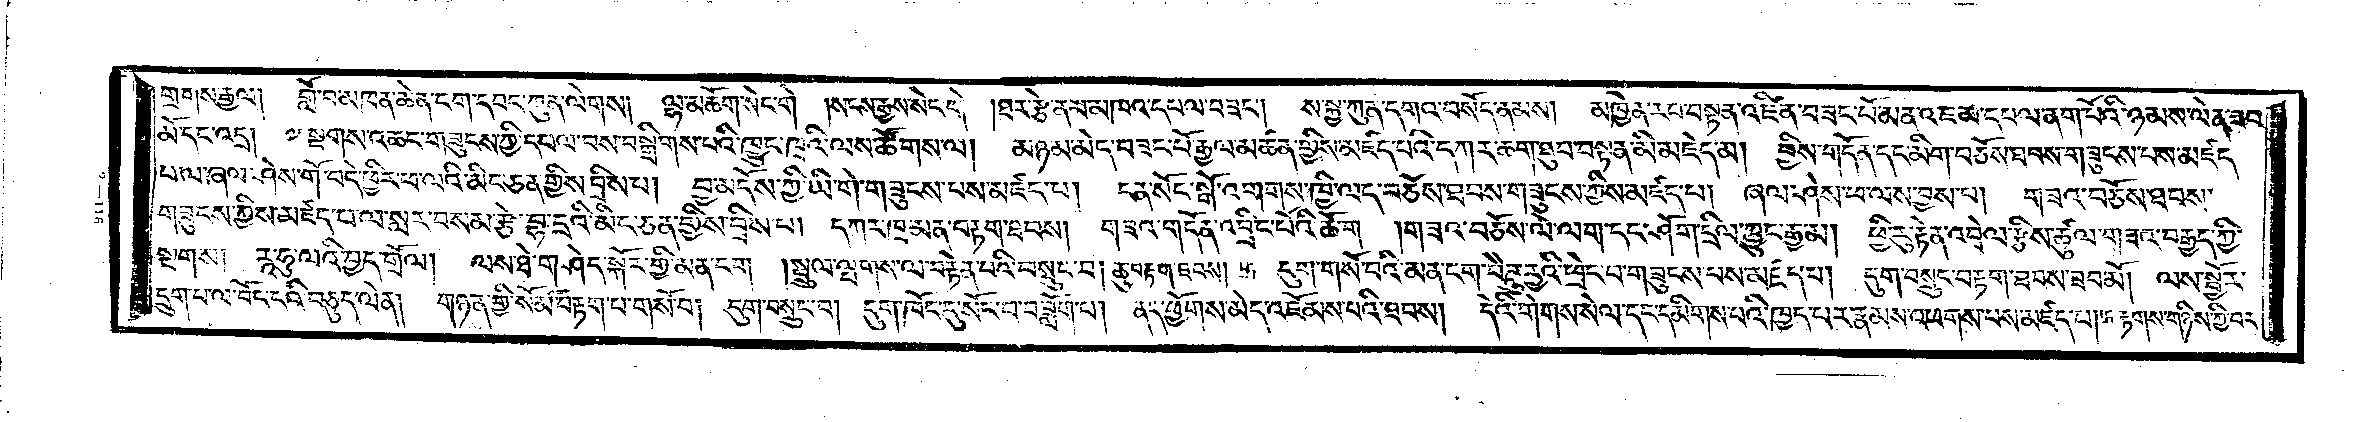གྲགས་རྒྱལ། གློ་བ་མཁན་ཆེན་ངག་དབང་ཀུན་ལེགས། ལྷ་མཆོག་སེང་གེ །སངས་རྒྱས་སེང་གེ །ཐར་རྩེ་ནམ་མཁའ་དཔལ་བཟང་། ས་སྐྱ་ཀུན་དགའ་བསོད་ནམས། མཁྱེན་རབ་བསྟན་འཛིན་བཟང་པོ་མན་འཇམ་དཔལ་ནག་པོའི་ཉམས་ལེན་ཟབ་
མོ་དང་འདྲ། ༧་སྔགས་འཆང་གཟུངས་ཀྱི་དཔལ་བས་བསྒྲིགས་པའི་ཁྱུང་ཁྲིའི་ལས་ཚོགས་ལ། མཉམ་མེད་བཟང་པོ་རྒྱལ་མཚན་ཕྱིས་མཛད་པའི་དཀར་ཆག་ཐུབ་བསྟན་མི་མཛད་མ། བྱིས་གདོན་དང་མིག་བཅོས་ཐབས་གཟུངས་པས་མཛད་
པ་ལ་ཞལ་ཤེས་གོ་བདེ་ཕྱིར་ཕ་ལའི་མིང་ཅན་གྱིས་བྲིས་པ། བྱ་མདོས་ཀྱི་ཡི་གེ་གཟུངས་པས་མཛད་པ། ངན་སོང་སྒོ་འགགས་ཁྱི་ལད་བཅོས་ཐབས་གཟུངས་ཀྱིས་མཛད་པ། ཞལ་ཤེས་ཕ་ལས་བྱས་པ། གཟའི་བཅོས་ཐབས་
གཟུངས་ཀྱིས་མཛད་པ་ལ་སླར་བསམ་རྩེ་བྷ་དྲའི་མིང་ཅན་གྱིས་བྲིས་པ། དཀར་ཁྲ་མན་བརྟག་ཐབས། གཟའ་གདོན་འབྲིང་པོའི་ཆོ་ག །གཟའ་བཅོས་ལེ་ལག་དང་ཤོག་དྲིལ་ཀྱུང་རྒྱ་མ། ཕྱི་རུ་རྟེན་འབྲེལ་རྩིས་ཚུལ་གཟའ་བརྒྱད་ཀྱི་
སྔགས། རཱ་ཧུ་ལའི་བྱད་གྲོལ། ལས་ཐེ་གཤེད་སྐོར་གྱི་མན་ངག །སྤྲུལ་ལྤགས་ལ་བརྟེན་པའི་བསྲུང་བ། ཆུ་བརྟག་ཐབས། དུག་གསོ་བའི་མན་ངག་བཻཌཱུརྱའི་ཕྲེང་བ་གཟུངས་པས་མཛད་པ། དུག་བསྲུང་བརྟག་ཐབས་ཟབ་མོ། ལས་སྦྱོར་
དྲུག་པ་ལ་བོད་ངའི་བཅུད་ལེན། གཉན་གྱི་སོམ་བརྟག་པ་གསོ་བ། དུག་བསྲུང་བ། དུག་ཁོང་དུ་སོང་བ་བཟློག་པ། ནད་ཕྱོགས་མེད་འཇོམས་པའི་ཐབས། དེའི་གེགས་སེལ་དང་དམིགས་པའི་ཁྱད་པར་རྣམས་འཕགས་པས་མཛད་པ། རྟགས་གཉིས་ཀྱི་བར་